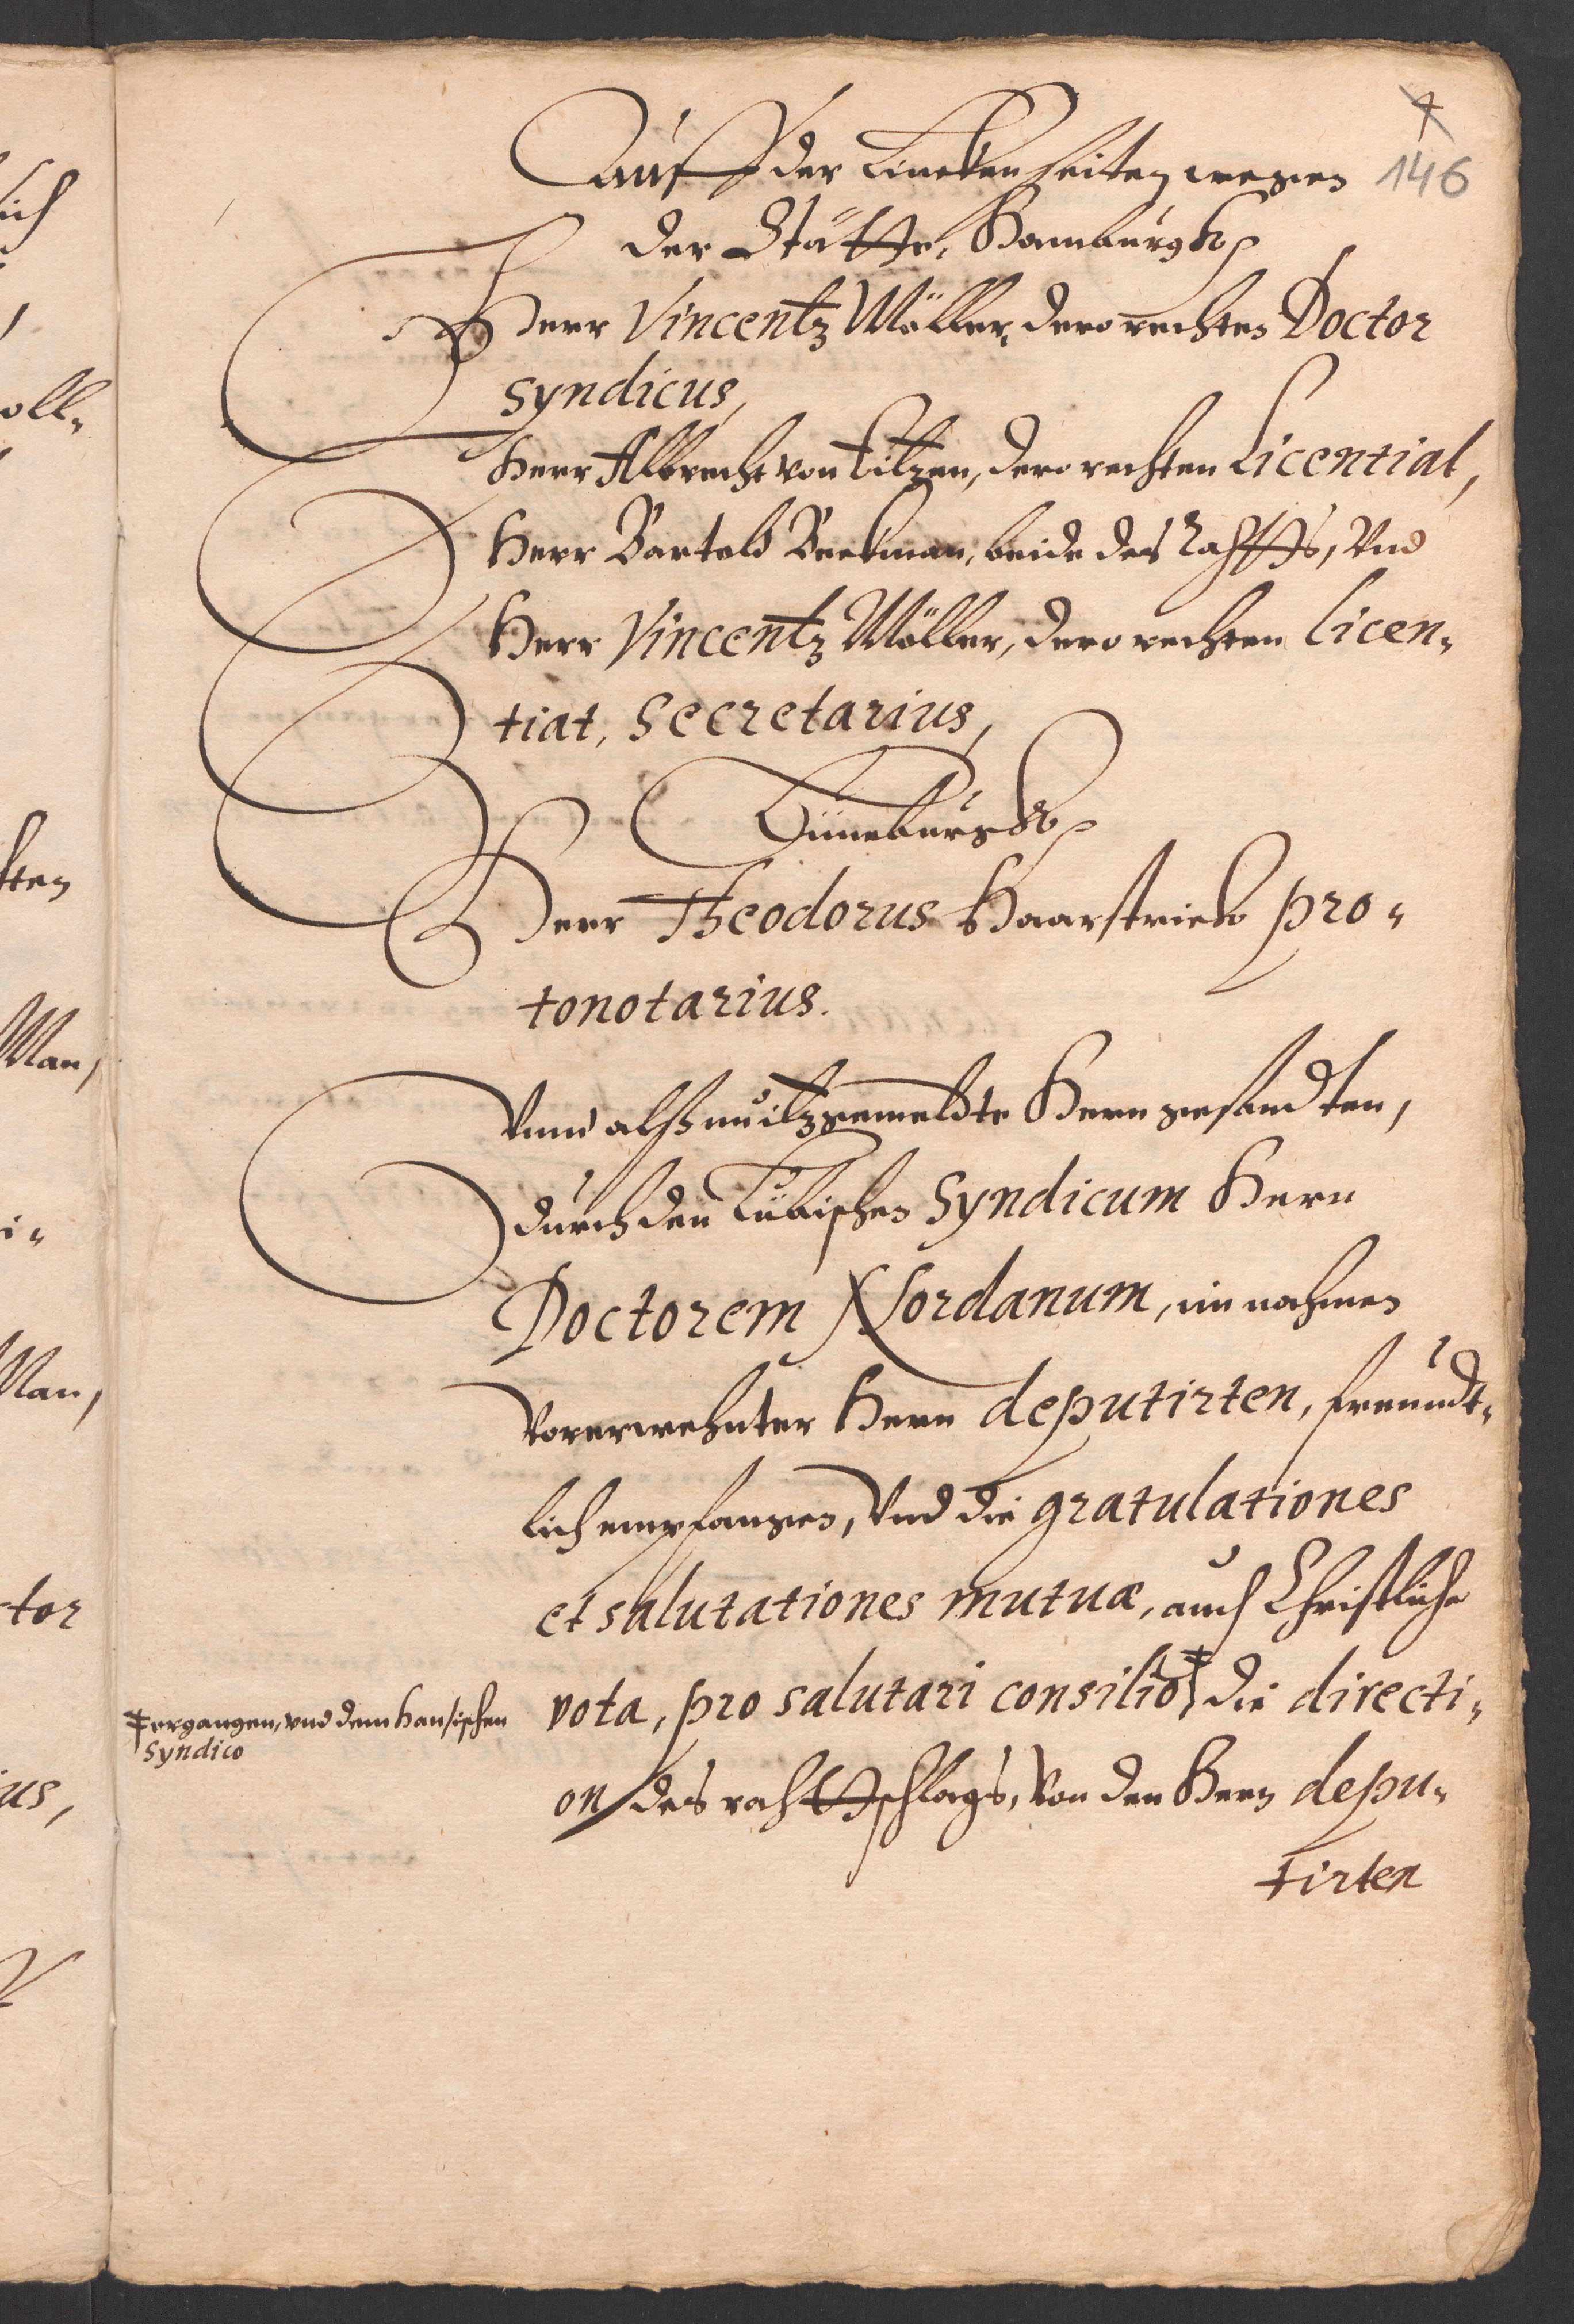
4
Auff der Linken seiten wegen
der Stätte Hamburgk p
Herr Vincentz Möller, dero rechten Doctor
syndicus,
Herr Albrecht von Litzen, dero rechten Licentiat,
Herr Barteld Beekman, beide des Rahtts, vnd
Herr Vincentz Möller, dero rechten licen¬
tiat, secretarius,
Lüneburgk p
Herr Theodorus Haarstrick pro¬
tonotarius
Vnnd alß nu itzgemeldte Hern gestandten,
durch den Lübischen Syndicum Hern
Doctorem Nordanum, im nahmen
vorerwehnter Hern deputirten, freundt¬
lich empfangen, vnd die gratulationes
et salutationes mutuae, auch Christliche
vota, pro salutari consilio F die directi¬
on des rahttschlags, von den Hern depu¬
tirten
F ergangen, vnd dem hansischen
Syndico
